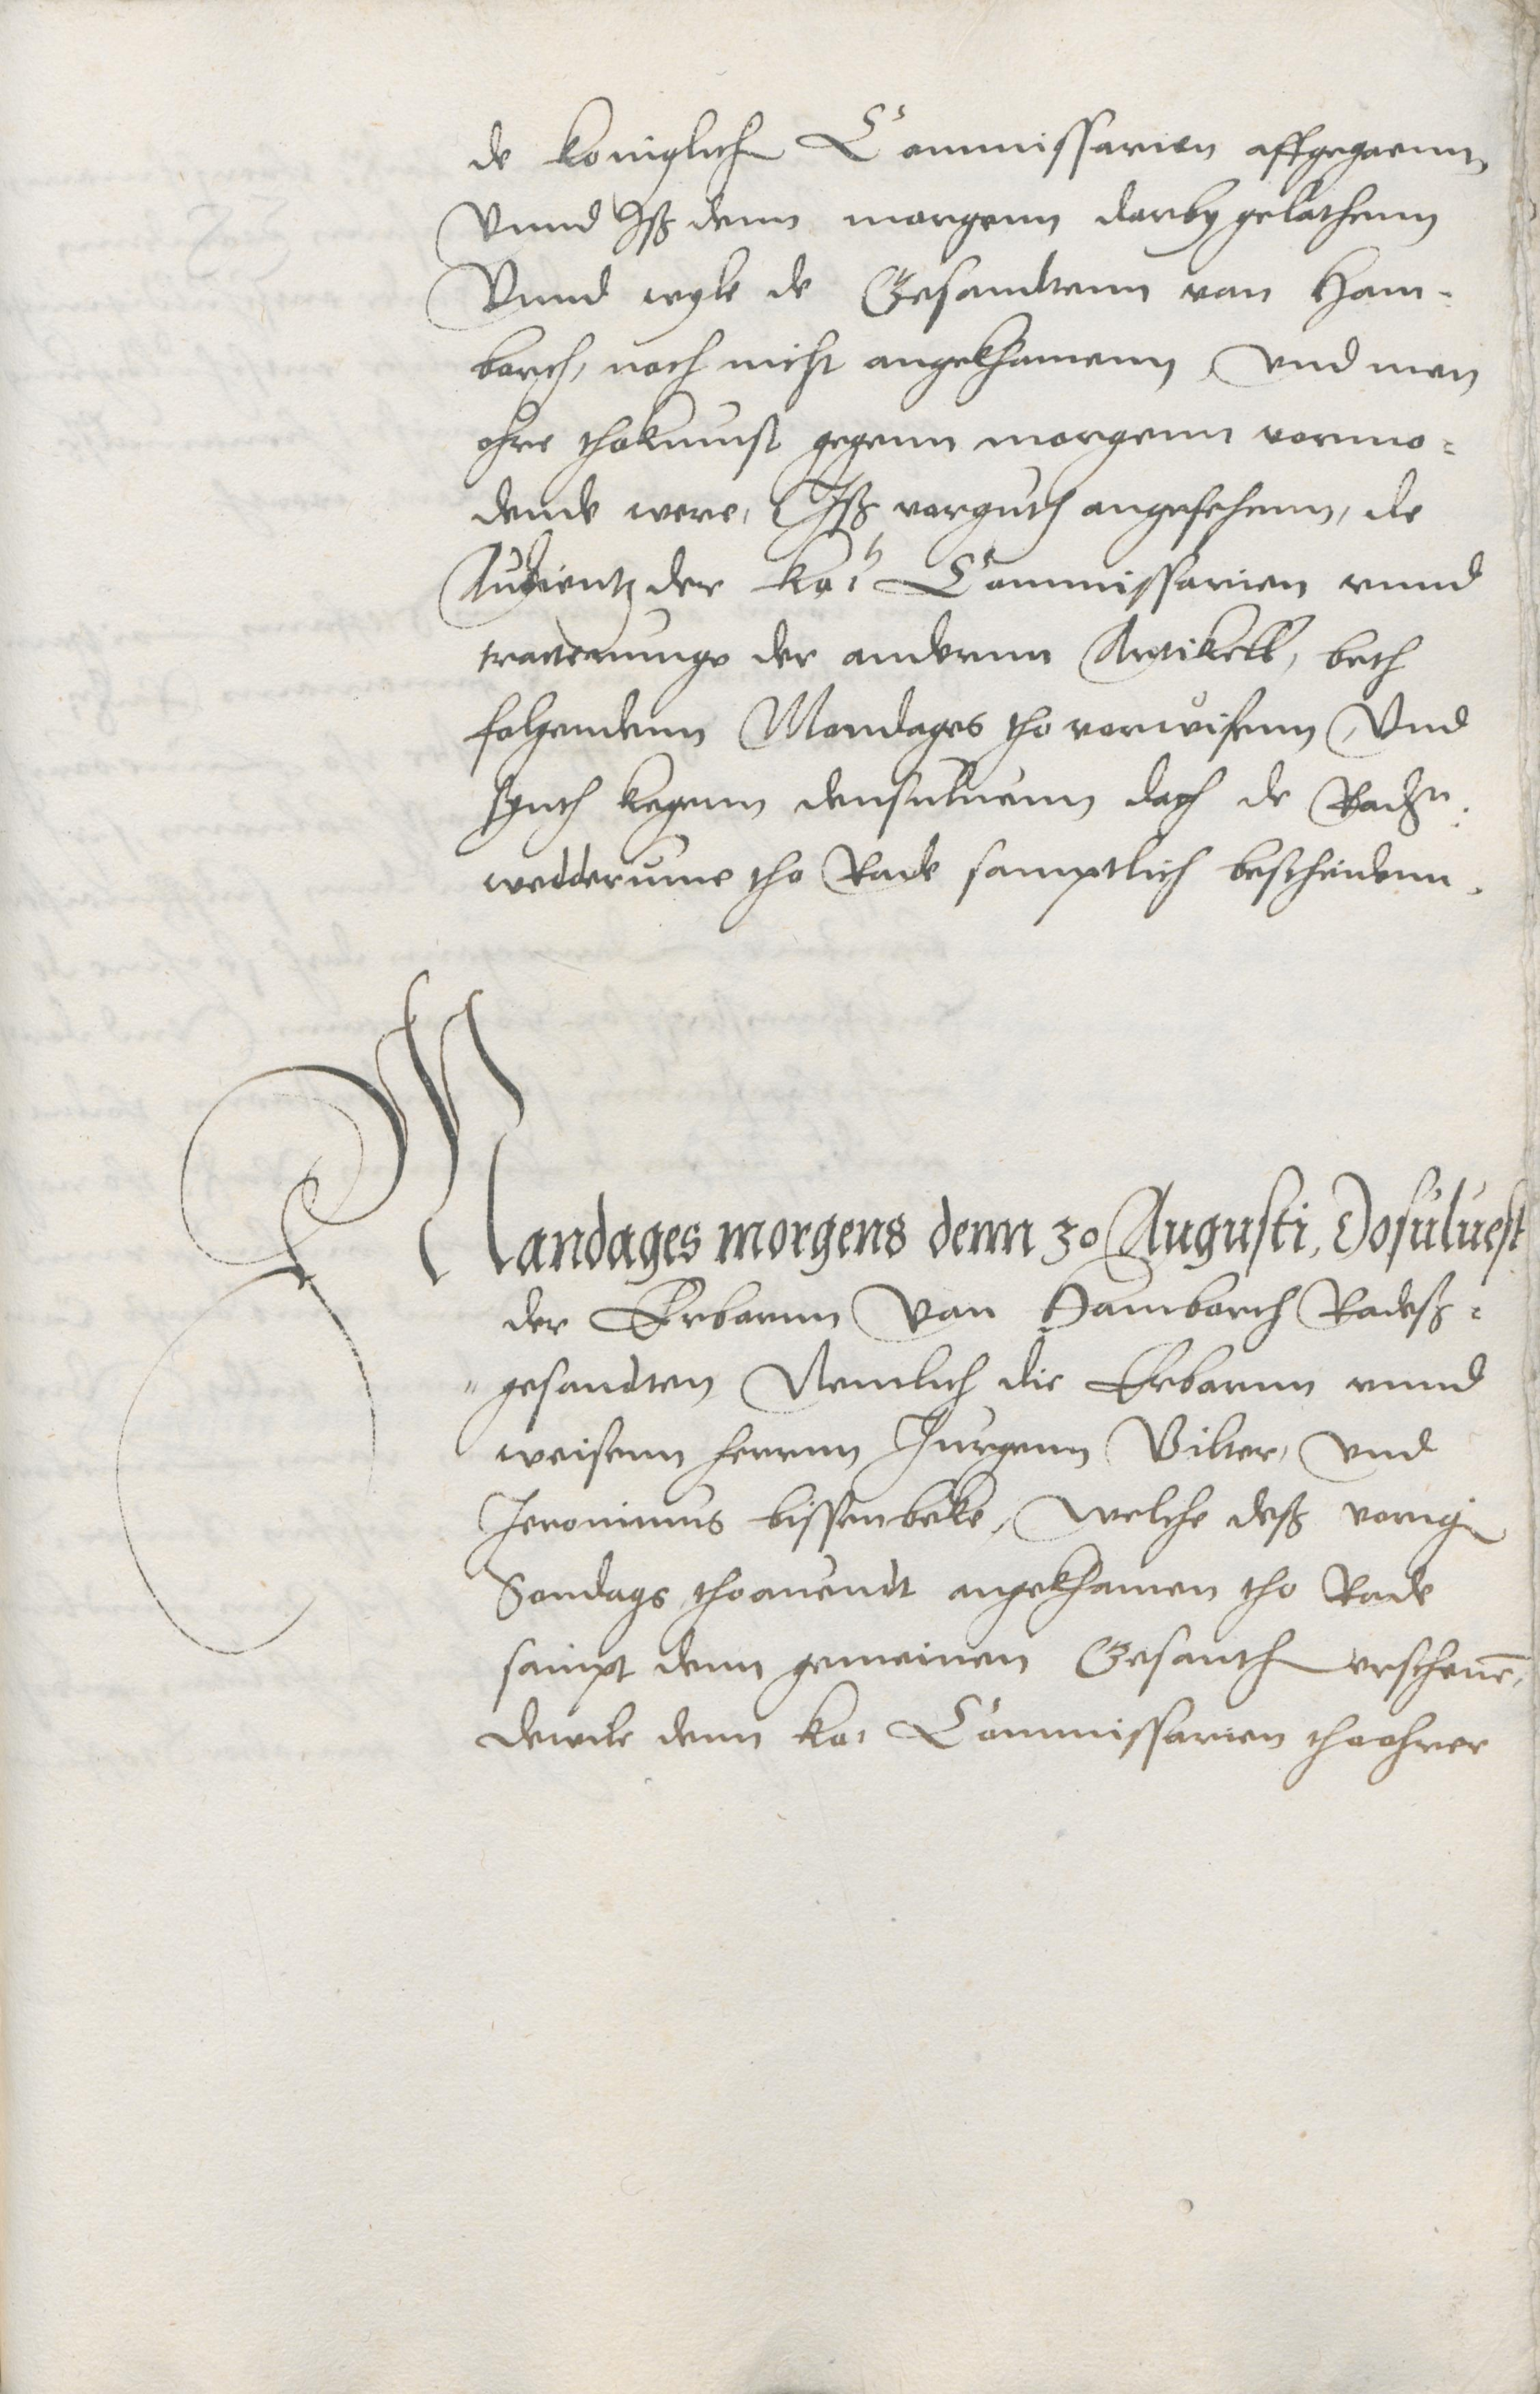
de Koniglichen Commissarien affgegaenn,
Vnnd jß denn morgenn darby gelathenn
Vnnd wyle de Gesandtenn van Ham¬
borch, noch nicht angekhamenn Vnd men
ohre thokumst gegenn morgenn vormo¬
dende were, Jß vorguth angesehenn, de
Audientz der Ko: Commissarien vnnd
tracterunge der andernn Artikell, beth
folgendenn Mondages tho vorwisenn, Vnd
synth kegenn densuluenn dach de Radessendeboden
wedderumme tho Rade samptlich bescheidenn.
Mandages morgens denn 30 Augusti, Dosuluest
der Erbarnn Van Hamborch Radeß¬
gesandten Nemlich die Erbarnn vnnd
weisenn herrnn Jurgenn Vilter, vnd
Jeronimus bissenbeke, Welche deß vorigen
Sondages tho auendt angekhamen tho Rade
sampt denn gemeinen Gesanthen erschenen,
Dewile denn Ko: Commissarien tho ohrer
